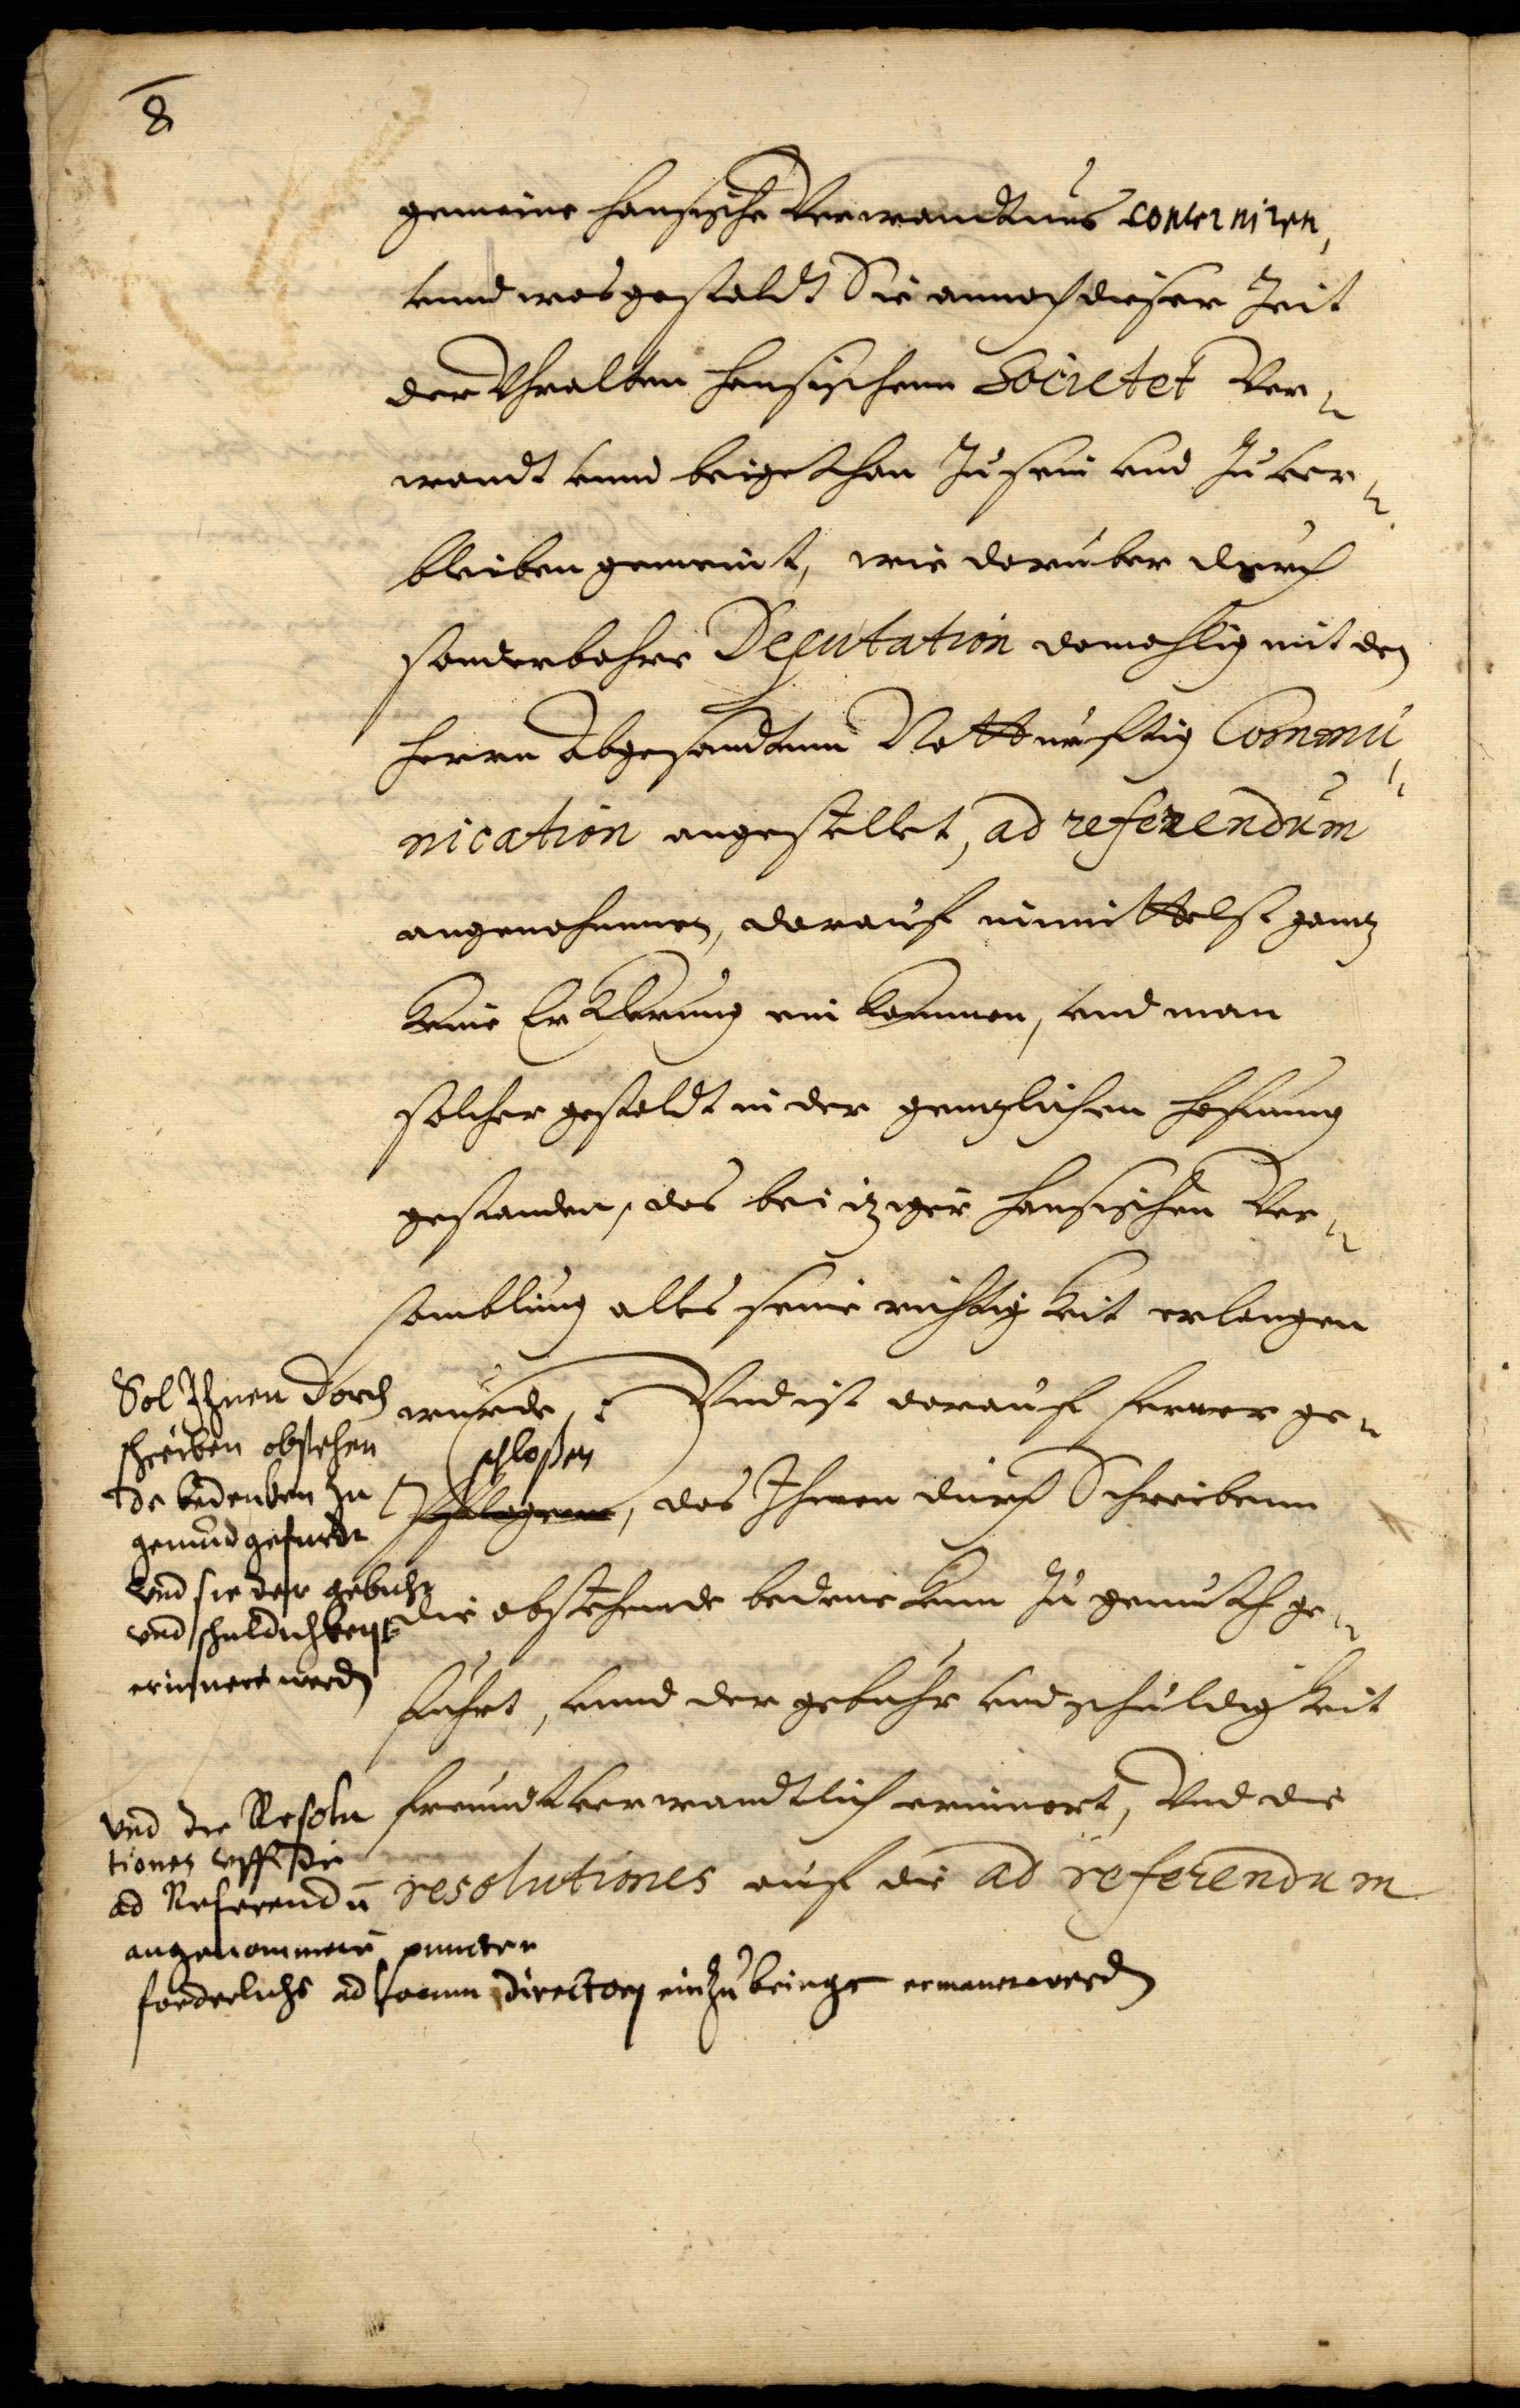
8
Sol Ihnen dorch
schreiben obstehen
de bedenken zu
gemud gefurdt
vnd sie der gebuhr
vnd schuldichkeyt
erinnert werden
vnd die Resolu
tiones vff die
ad Referendum
angenommene puncten
forderliche ad Locum directory einzubringen ermanetwerden
gemeine hansische Verwandtnus convenirn,
vnnd was gestaldt Sie dennoch dieser zeit
der Vhralten hansischenn Societet Ver¬
wandt vnnd beigethan zu sein vnd zu ver¬
bleiben gemeint, wie doruber durch
sonderbahre Deputation domahlig mit den
herrn Abgesandtenn Notturftig Commu¬
nication angestellet, ad referendum
angenohmmen, darauf inmittelst gantz
keine Erklerung ein kommen, vnd man
solcher gestaldt in der gentzlichen hofnung
gestanden, das bei itziger hansischen ver¬
samblung alles seine richtig keit erlangen
wurde: Vnd ist darauf ferner ge¬
schloßen
Pflagenn, das Ihnen durch Schreibenn
die obstehende bedencken zu gemuth ge¬
fuhrt, vnnd der gebuhr vnd schuldigkeit
freundtverwandtlich erinnert, Vnd der
resolutiones auf die ad referendum
